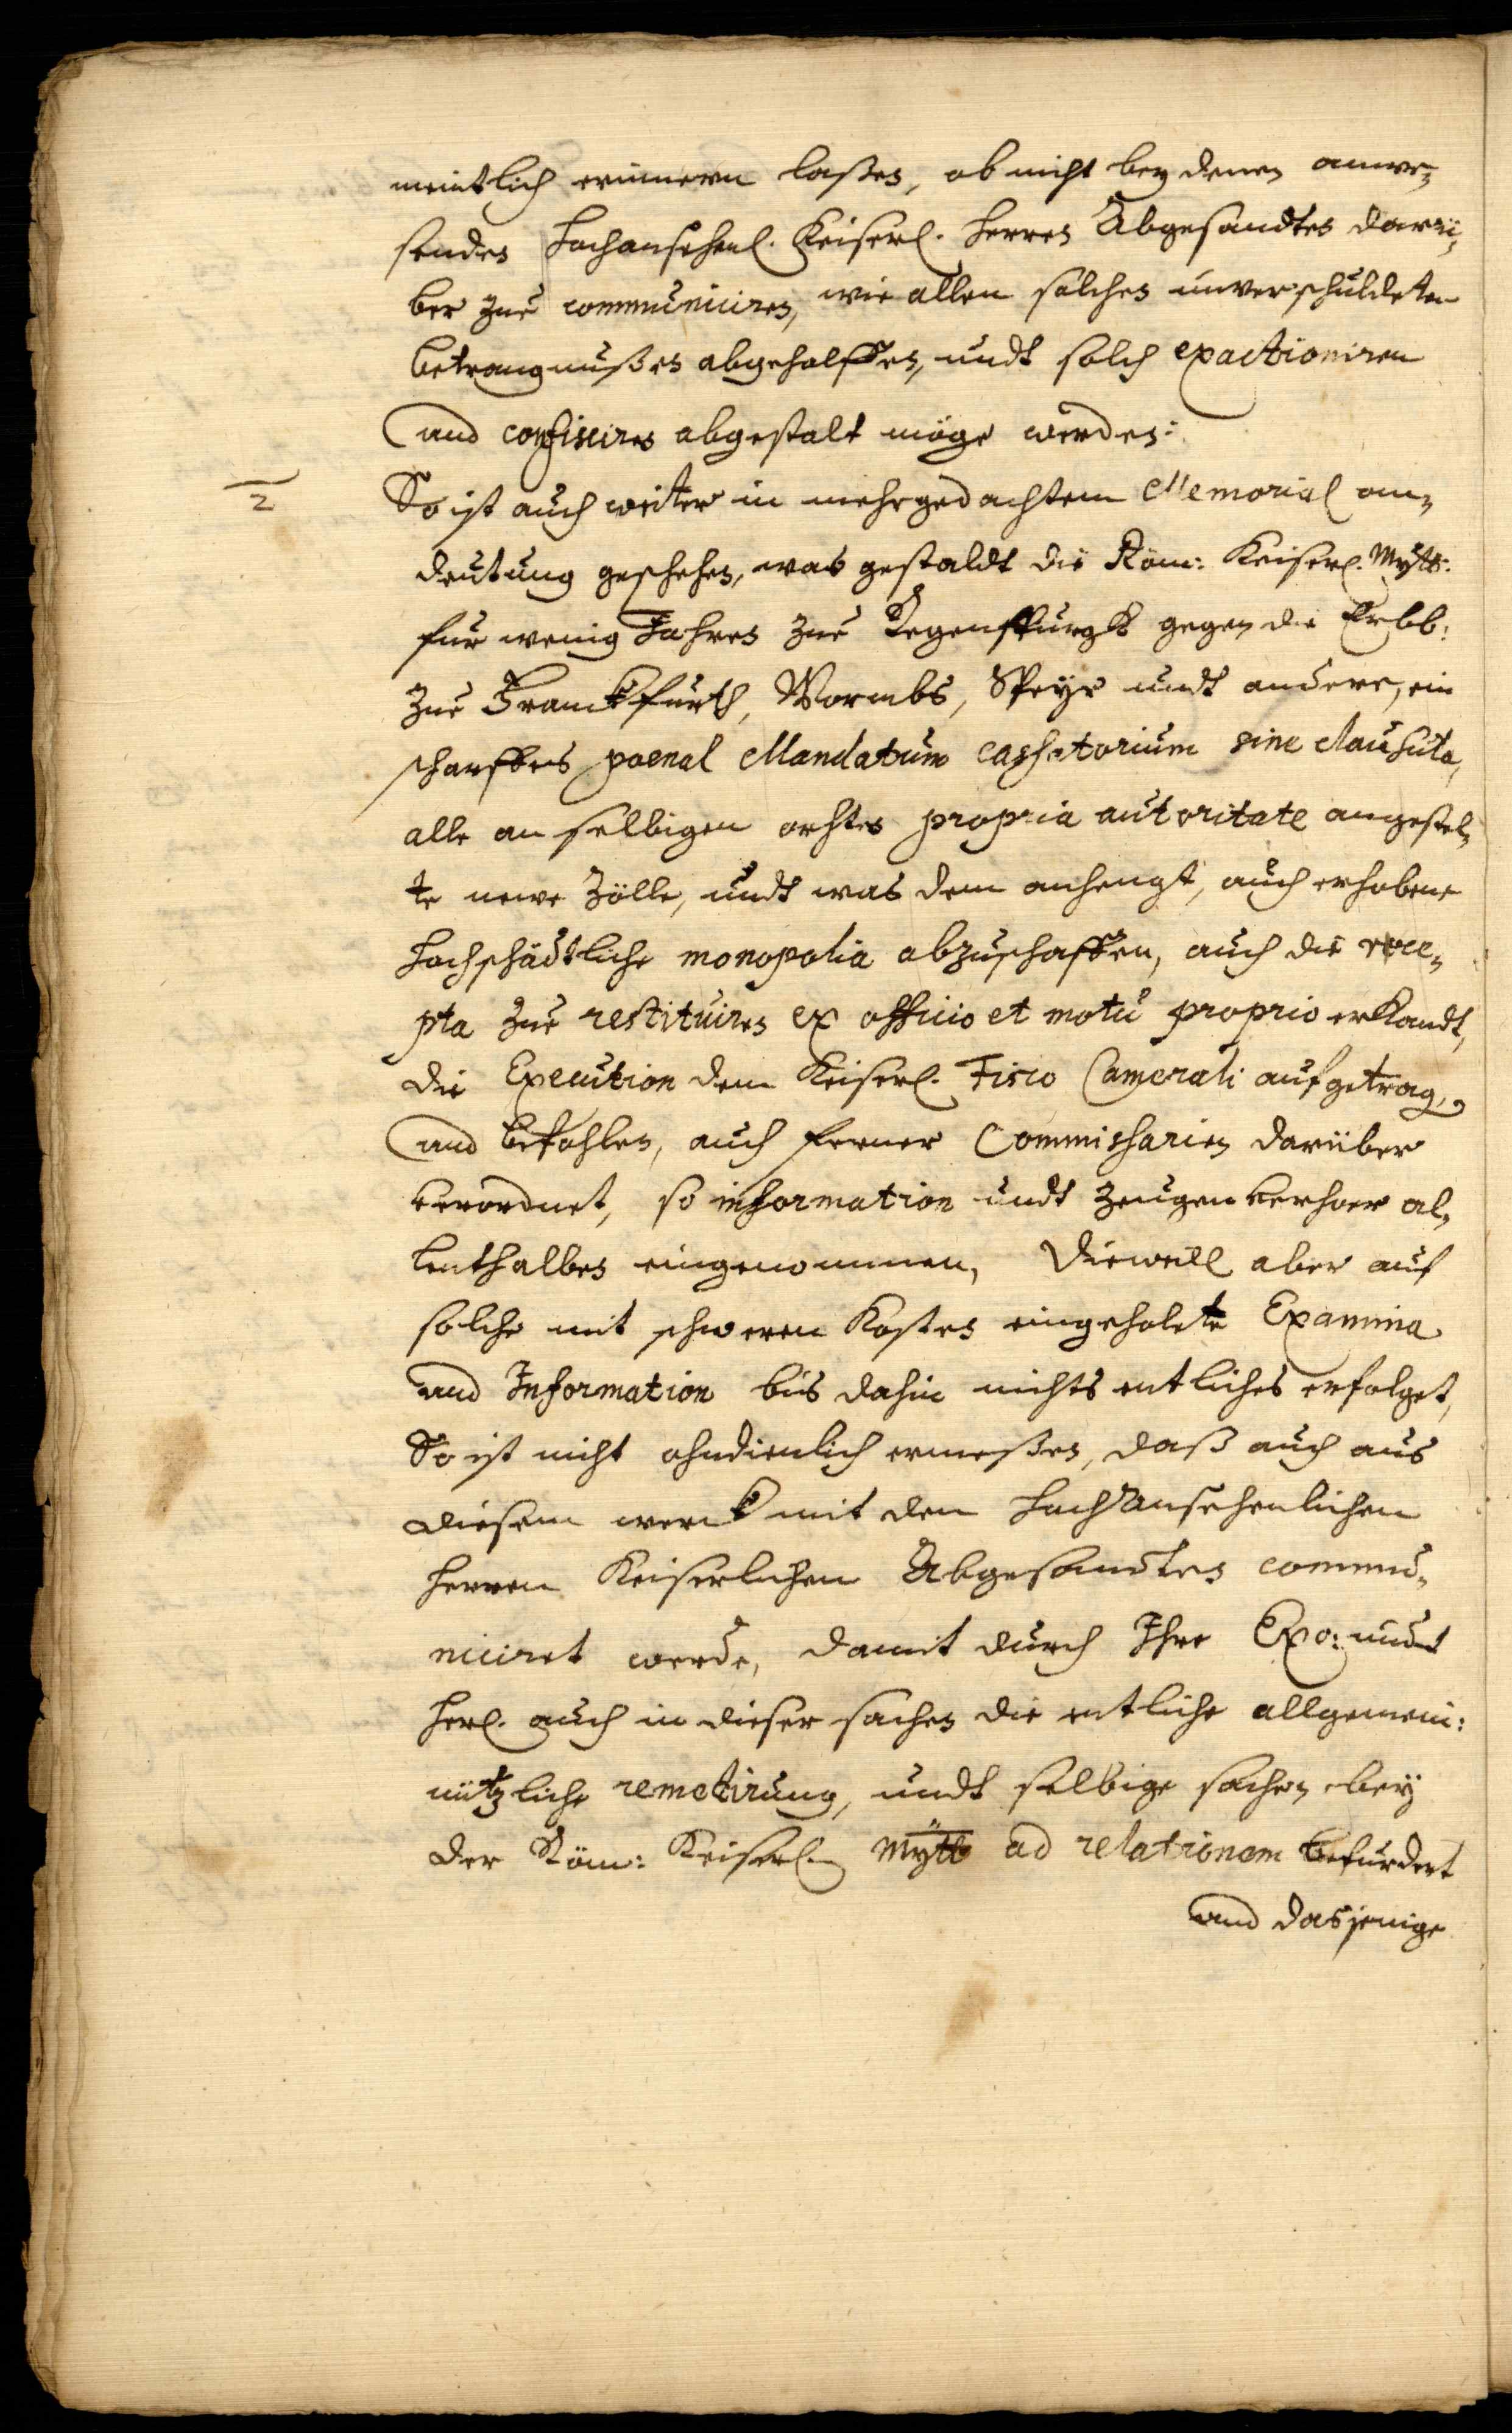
2
meintlich erinnern laßen, ob nicht bey denen anwe¬
senden hochansehenl. Keiserl. herren Abgesandten darü¬
ber zue communiciren, wie allen solchen unverschuldeten
betrangnußen abgeholffen, undt solch exactioniren
und confisciren abgestalt möge werden:
So ist auch weiter in mehrgedachtem Memorial an¬
deutung geschehen, was gestaldt die Röm: Keiserl. Mijtt:
fur wenig Jahren zue Regenspurgk gegen die Erbb:
zue Franckfurth, Wormbs, Speijr undt andere, ein
scharffes paenal Mandatum cassatorium sine clausula,
alle an selbigen orhten propria autoritate angestel¬
te newe Zölle, undt was dem anhengt, auch erhobene
hochschädtliche monopolia abzuschaffen, auch die rece¬
pta zue restituiren ex officio et motu proprio erkandt,
die Execution dem Keiserl. Fisco Camerali aufgetragen,
und befohlen, auch ferner Commissarien darüber
verordnet, so information undt zeugen verhoer al¬
lenthalben eingenommen, Dieweill aber aus
solche mit schweren kosten eingeholete Examina
und Information bis dahin nichts entliches erfolget,
So ist nicht ohndienlich ermeßen, daß auch aus
diesem werck mit den hochansehenlichen
herren Keiserlichen Abgesandten commu¬
niciret werde, damit durch Ihre Exc: undt
herl. auch in dieser sachen die entliche allgemein:
nützliche remedirung, undt selbige sachen beij
der Röm: Keiserl. Mijttt ad relationem befurdert
und dasjenige
